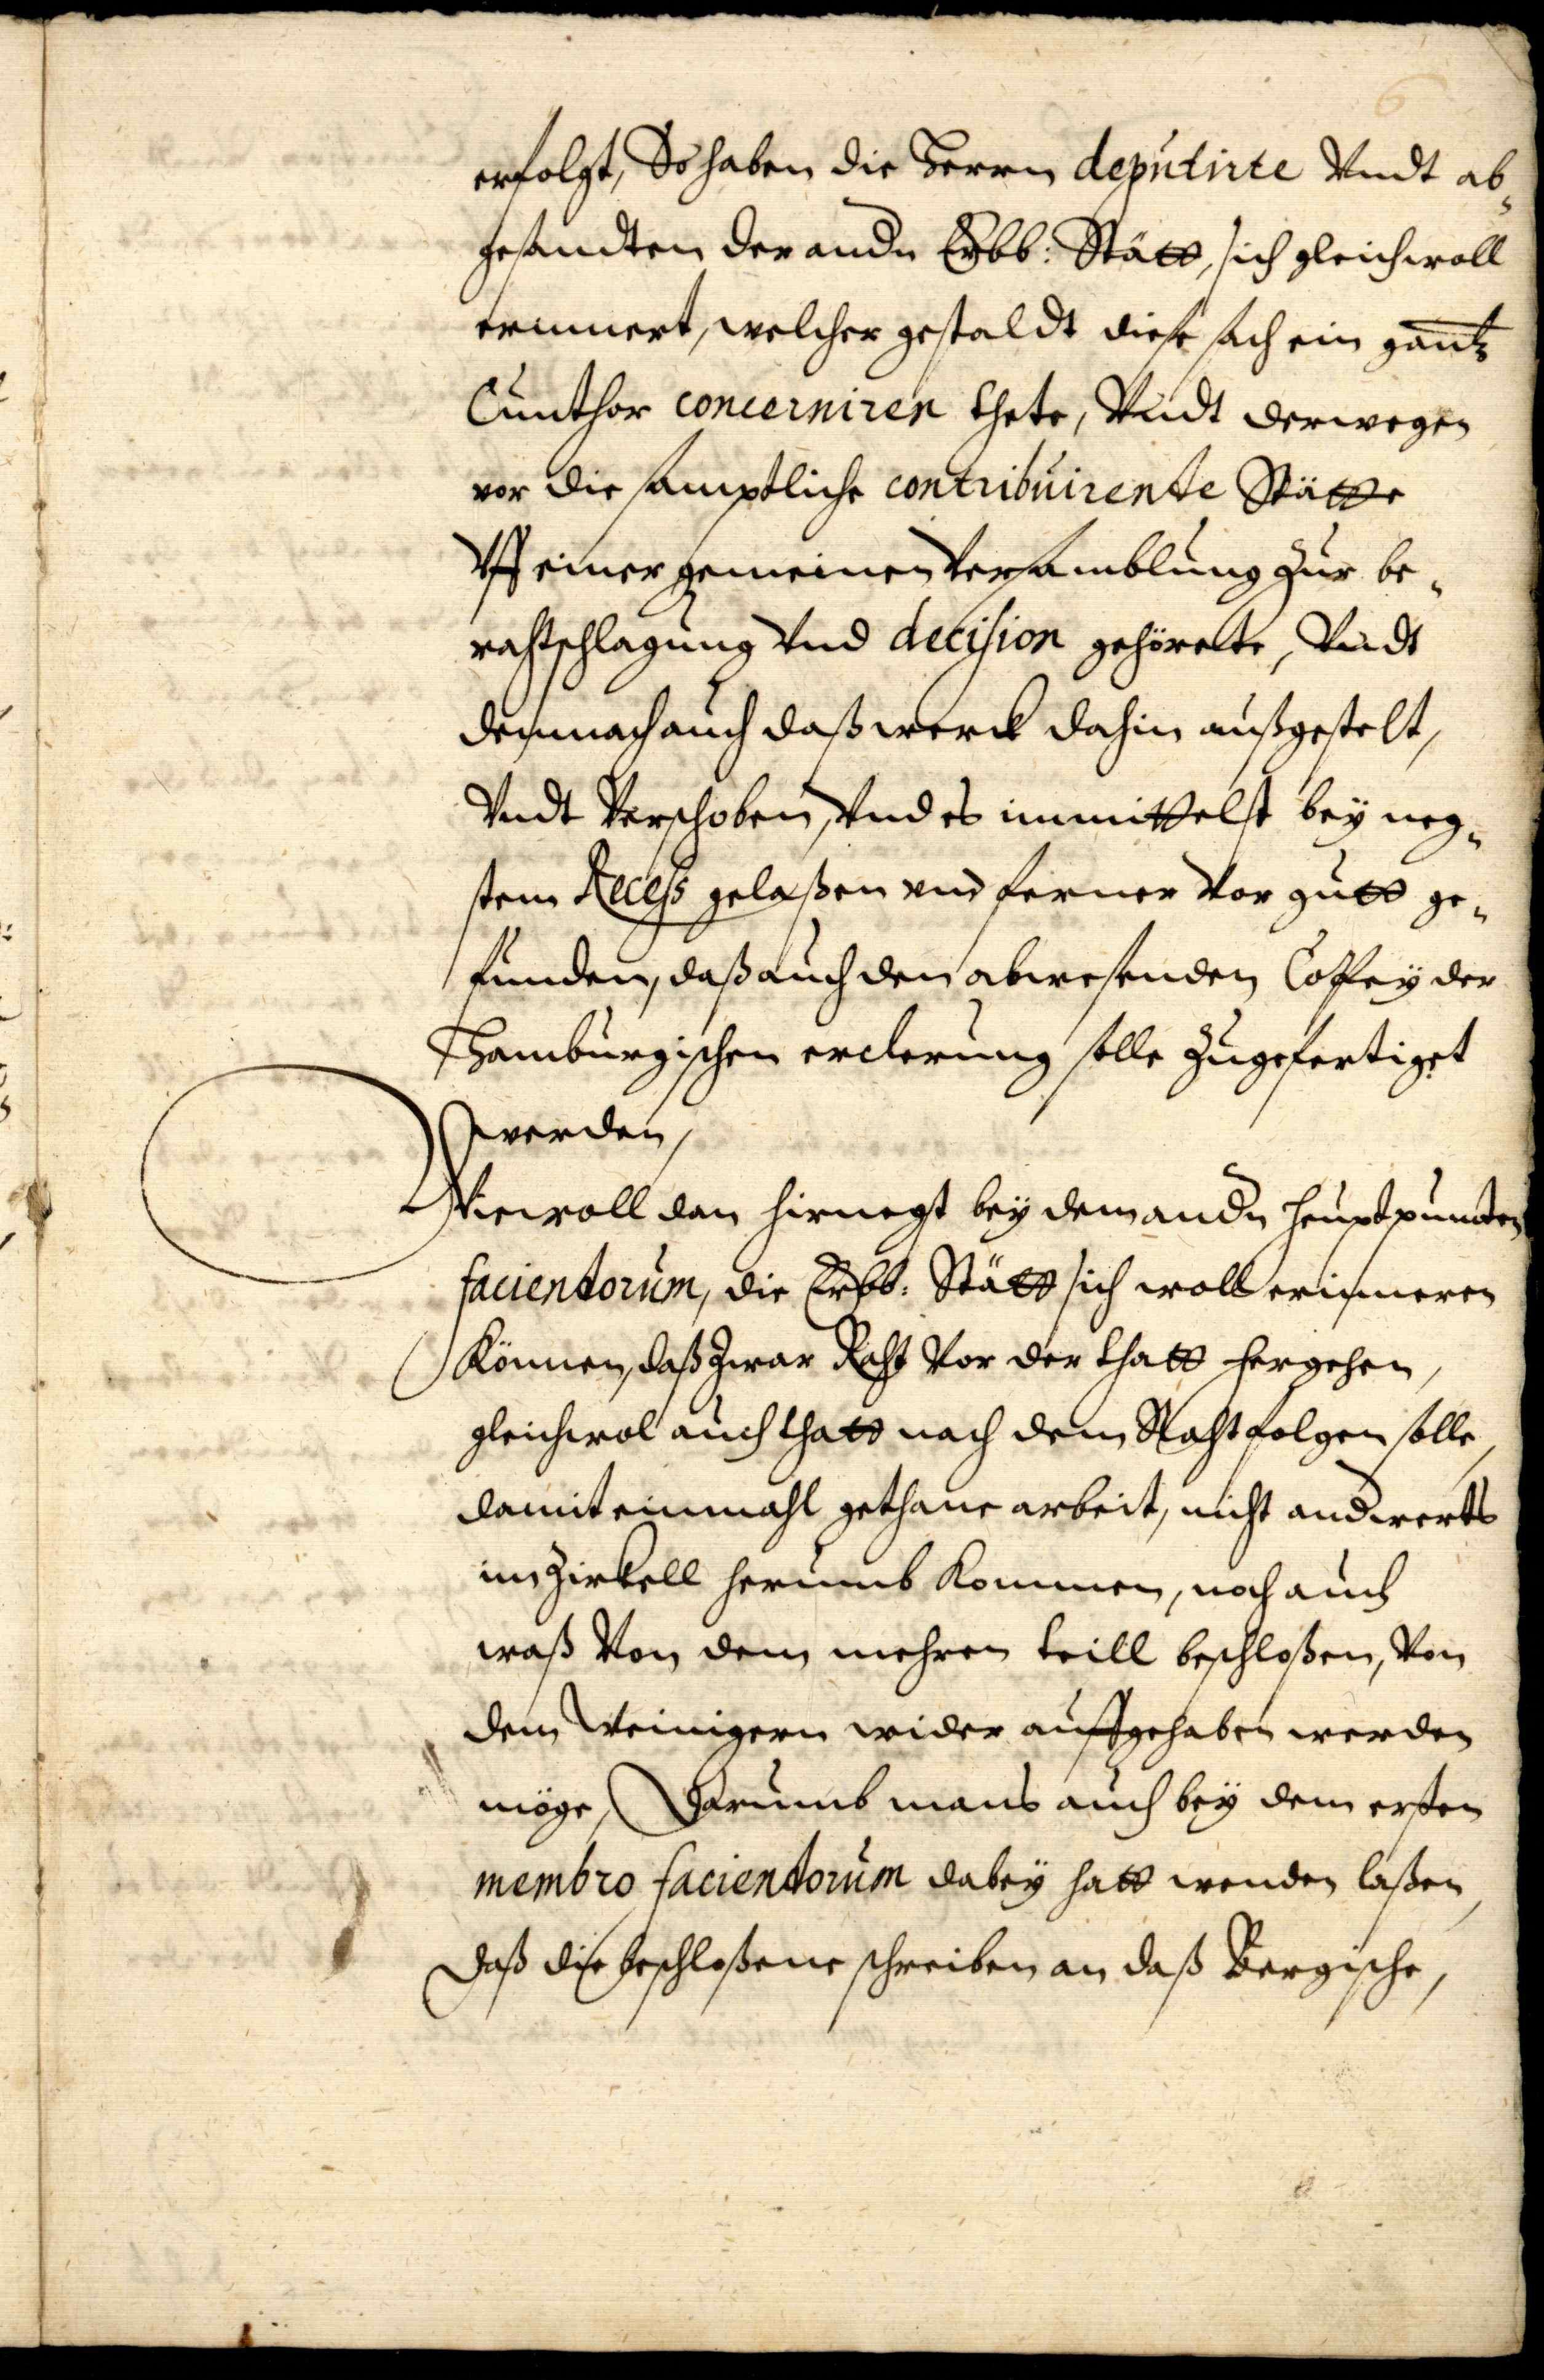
6
erfolgt, So haben die herrn deputirte Vndt ab¬
gesandten der andern Erbb: Stätt sich gleichwoll
erinnert, welcher gestaldt diese sach ein gantz
Cunthor concerniren thete, Vndt derwegen
vor die samptliche contribuirende Stätte
Vff einer gemeinen Versamblung zur be¬
rahtschlagung vnd decision gehörete, Vndt
demnach auch daß werck dahin außgestelt,
Vndt Verschoben, Vnd es immittelst beij neg¬
stem Recess gelaßen vnd ferner Vor gutt ge¬
funden, daß auch den abwesenden Copeij der
Hamburgischen erclerung solle zugefertiget
werden,
Wiewoll dan hirnegst beij dem andern hauptpuncte
faciendorum, die Erbb. Stätt sich woll erinneren
können, daß zwar Raht Vor der thatt hergehen,
gleichwol auch thatt nach dem Raht folgen solle,
damit einmahl gethane arbeit, nicht anderwerts
im Zirkell herumb kommen, noch auch
waß Von dem mehren teill beschloßen, von
dem Weinigern wider auffgehaben werden
möge, Darumb mans auch beij dem ersten
membro faciendorum dabeij hatt wenden laßen,
Daß die beschloßene schreiben an daß Bergische,
